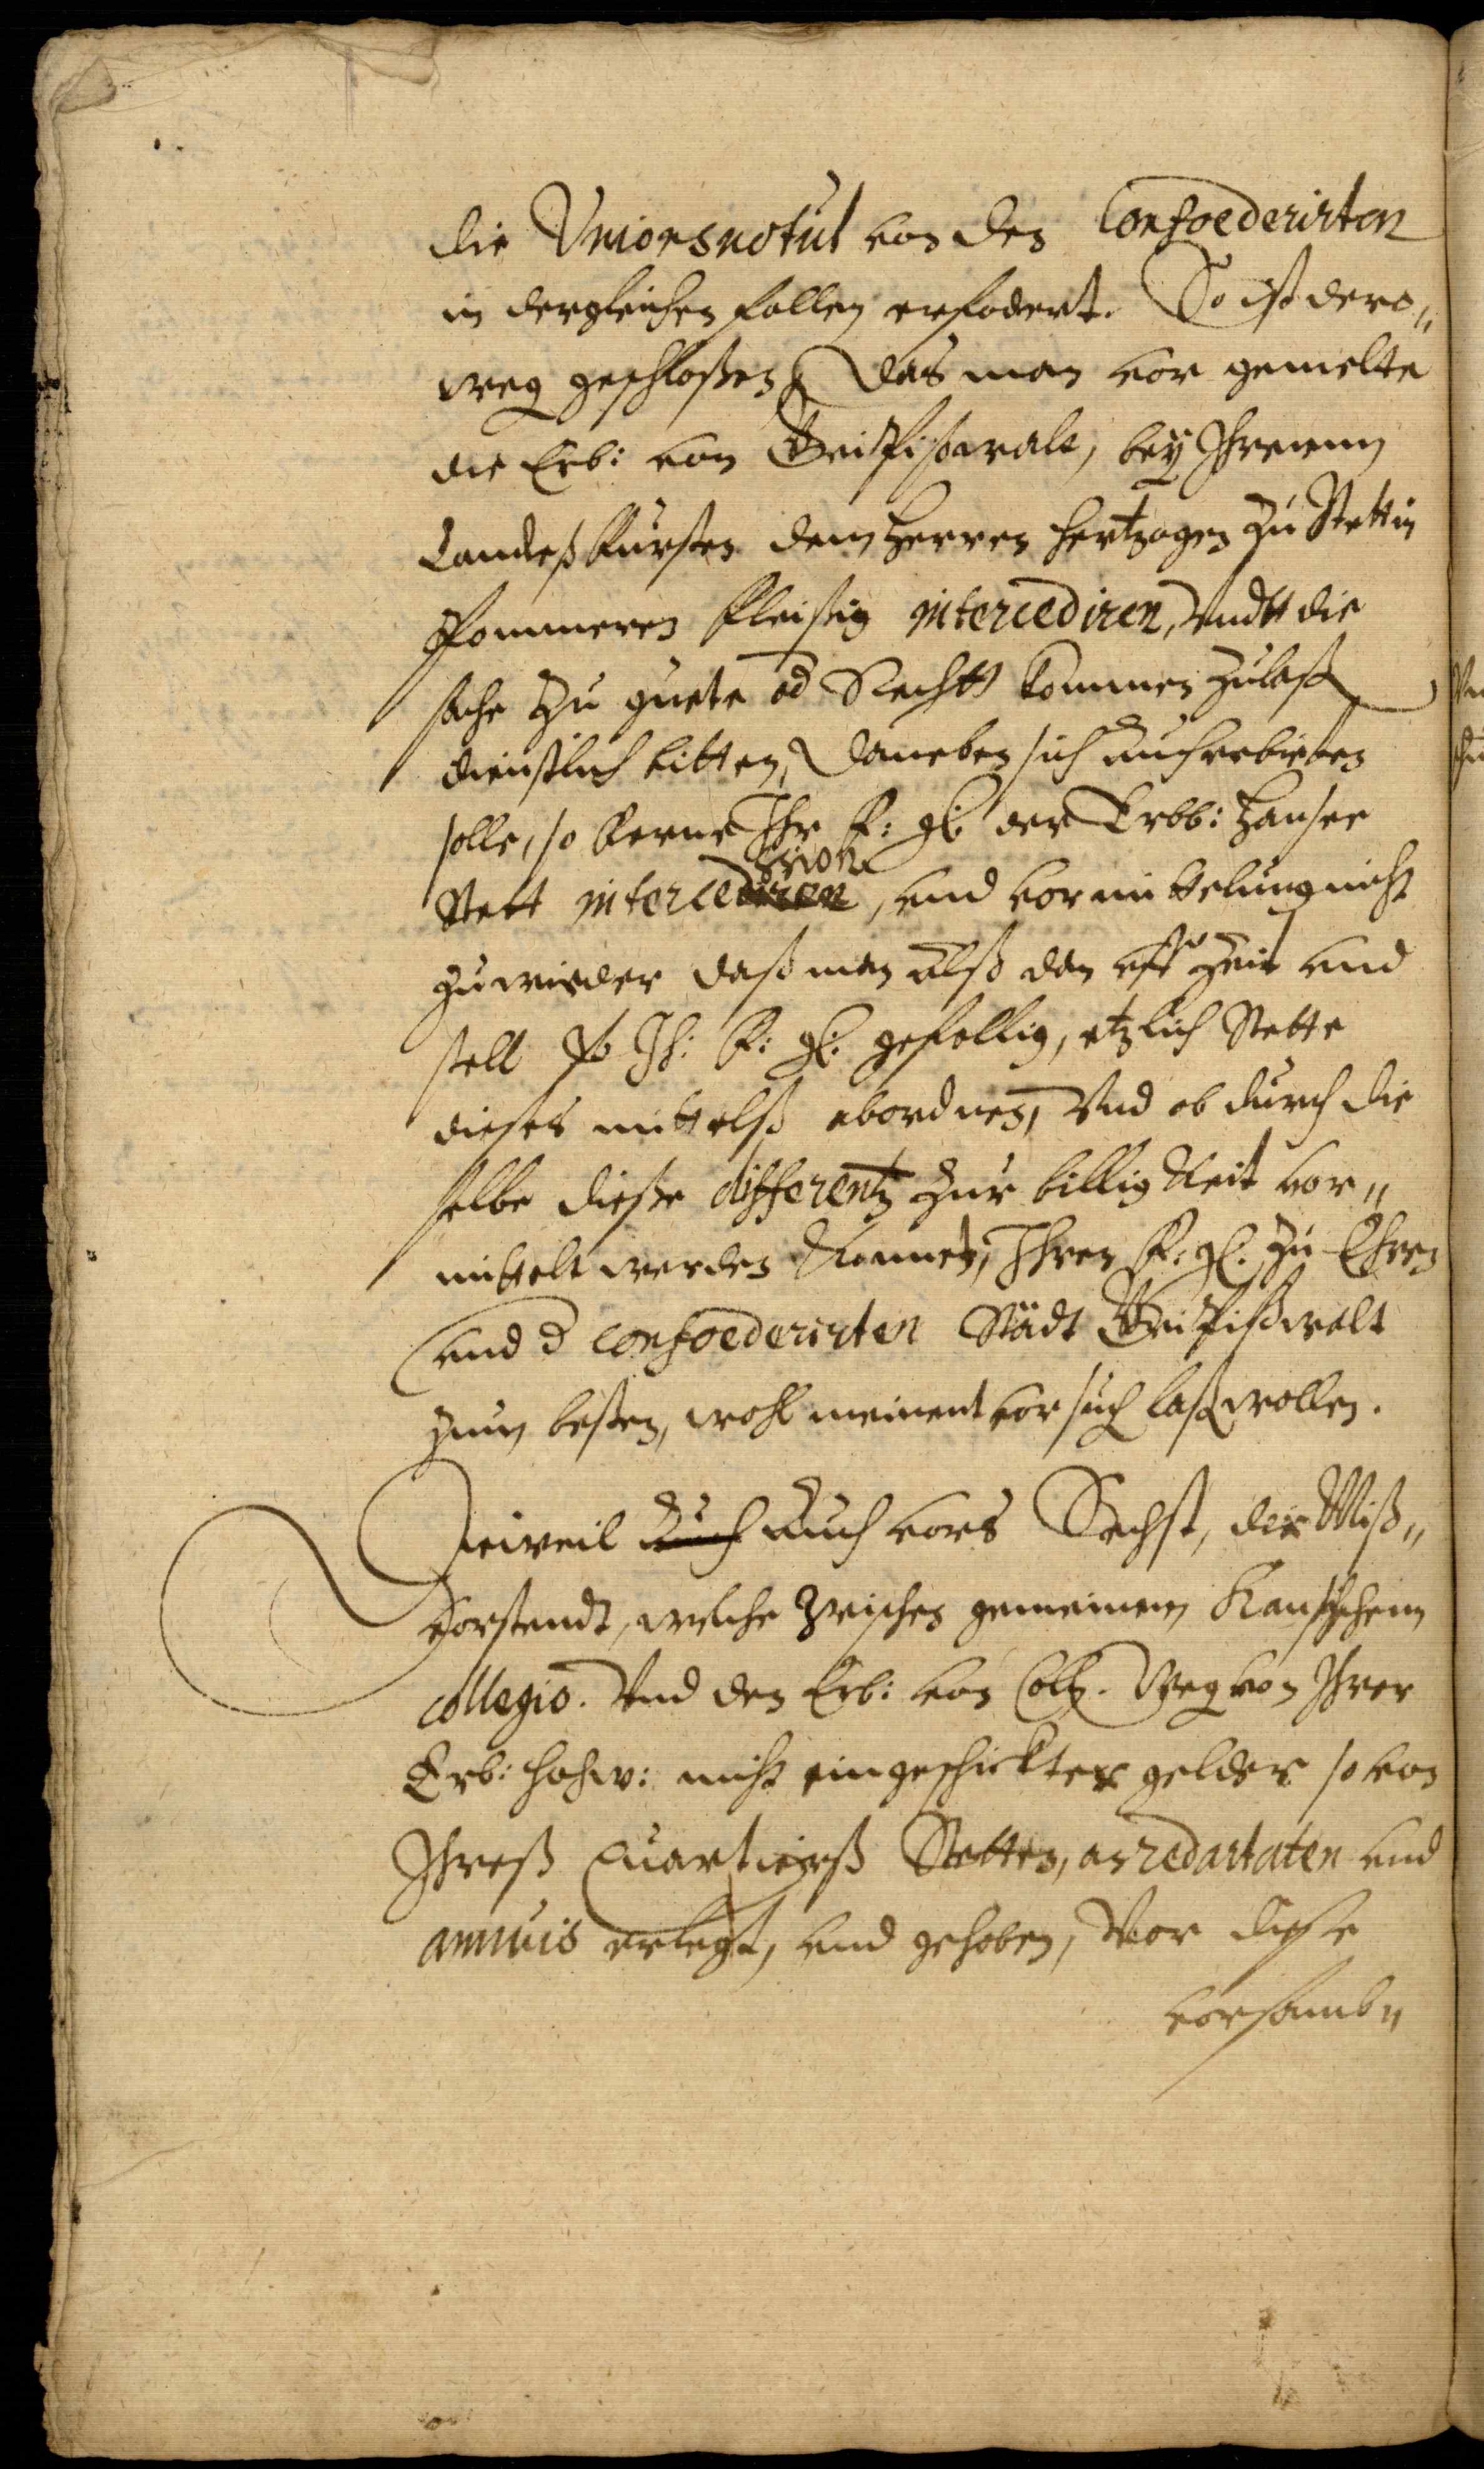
die Unionsnotul von den Confoederirten
in dergleichen fallen erfodert, So ist dero¬
wegen geschloßen, daß man vor gemelte
die Erb: von Greipißwale, beij Ihremm
Landeßfursten dem Herren hertzogen zu Stettin
Pommeren fleißig intercediren, Vndtt die
sache zu guete oder Recht kommen zulaßen
diemstlich bitten, Daneben sich Auch erbieten
solle, so ferne Ihr F: H. der Erbb: Hansee
Stett intercedirenssion, vnd vormittelung nicht
zuwieder daß man Alß dan vff Zeit vnd
stell so Ih: F: gl: gefallig, etzlich Stette
dieses mittelß abordnen, Vnd ob durch die
selbe dieße differentz zur billig Keit vor¬
mittelt werden Konnen, Ihren F: gl: zu Ehren
vnd der confoederirten Städt Gripißwalt
zum besten, wohl meinent vor suchen laßen wollen.
Dieweil auch Auch vors Sechst, der Miß¬
vorstand, welche zwischen gemeinem Hansischem
collegio. Vnd den Erb: von Colln. Wegen von Ihrer
Erb: hohw: nicht eingeschickter gelder so von
Ihreß Quartierß Stetten, an redartaten vnd
annuis erlegt, vnd gehoben, Vor diese
vorsamb¬
